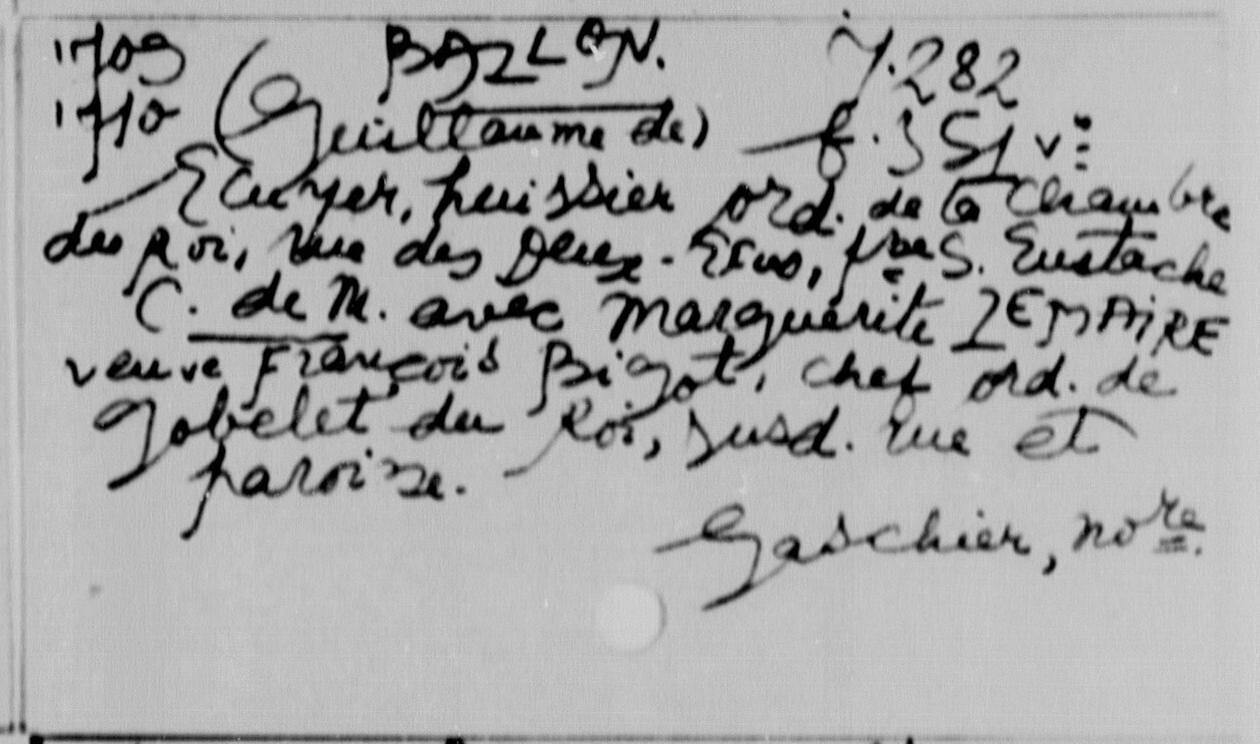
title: BALLON (Guillaume de)
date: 1709-1710
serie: Y
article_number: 282
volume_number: folio 351 verso
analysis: Écuyer, huissier ordinaire de la Chambre du roi, rue des Deux-Écus, paroisse Saint-Eustache Contrat de mariage avec Marguerite LEMAIRE Veuve François BIGOT, chef ordinaire de Gobelet du Roi, susdite rue et paroisse. Gaschier, notaire.
